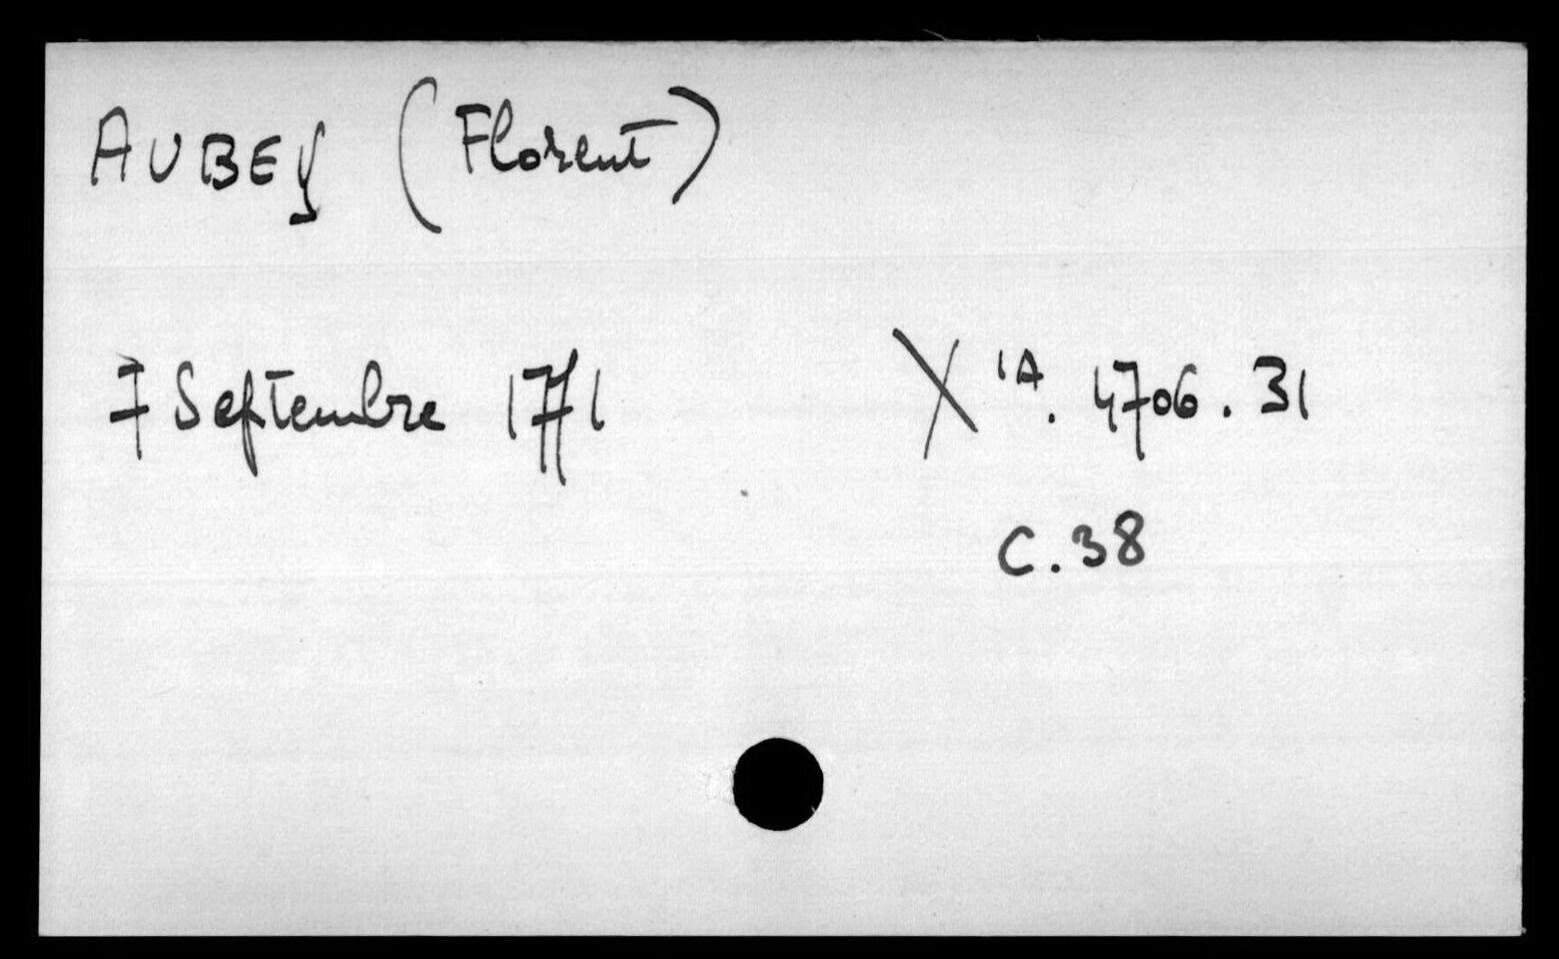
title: AUBEY (Florent)
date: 7 septembre 1771
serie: X1A
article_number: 4706
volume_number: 31 Conseil, 38
